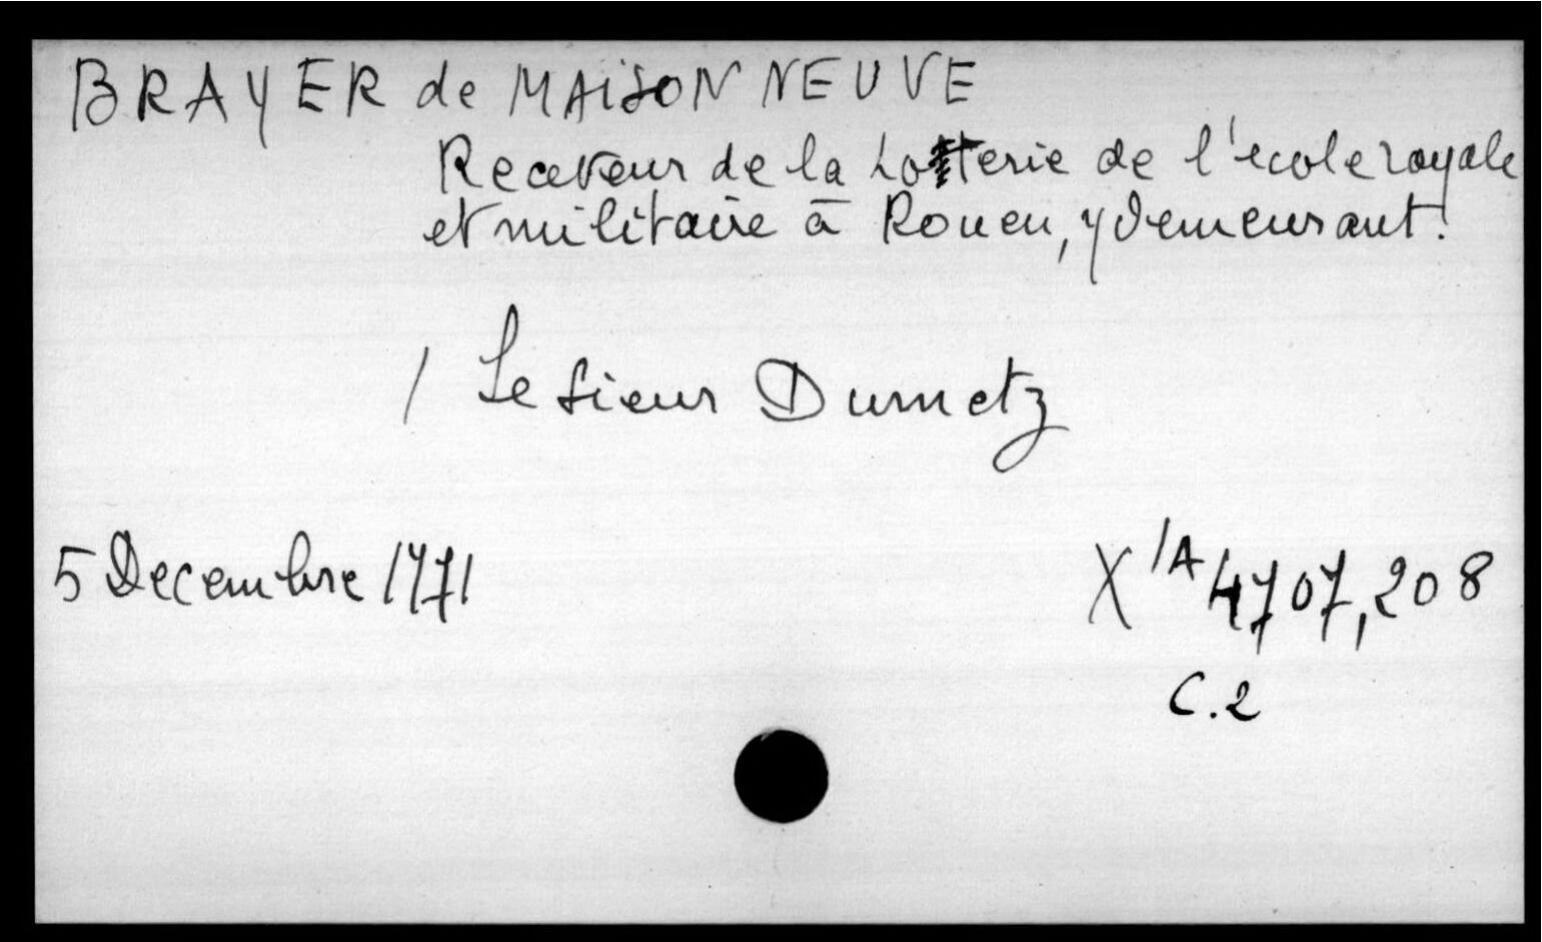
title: BRAYER de MAISONNEUVE Receveur de la loterie de l'école royale et militaire à Rouen, y demeurant
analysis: Contre le sieur Dumetz
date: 5 décembre 1771
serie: X1A
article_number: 4707
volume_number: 208 Conseil, 2
